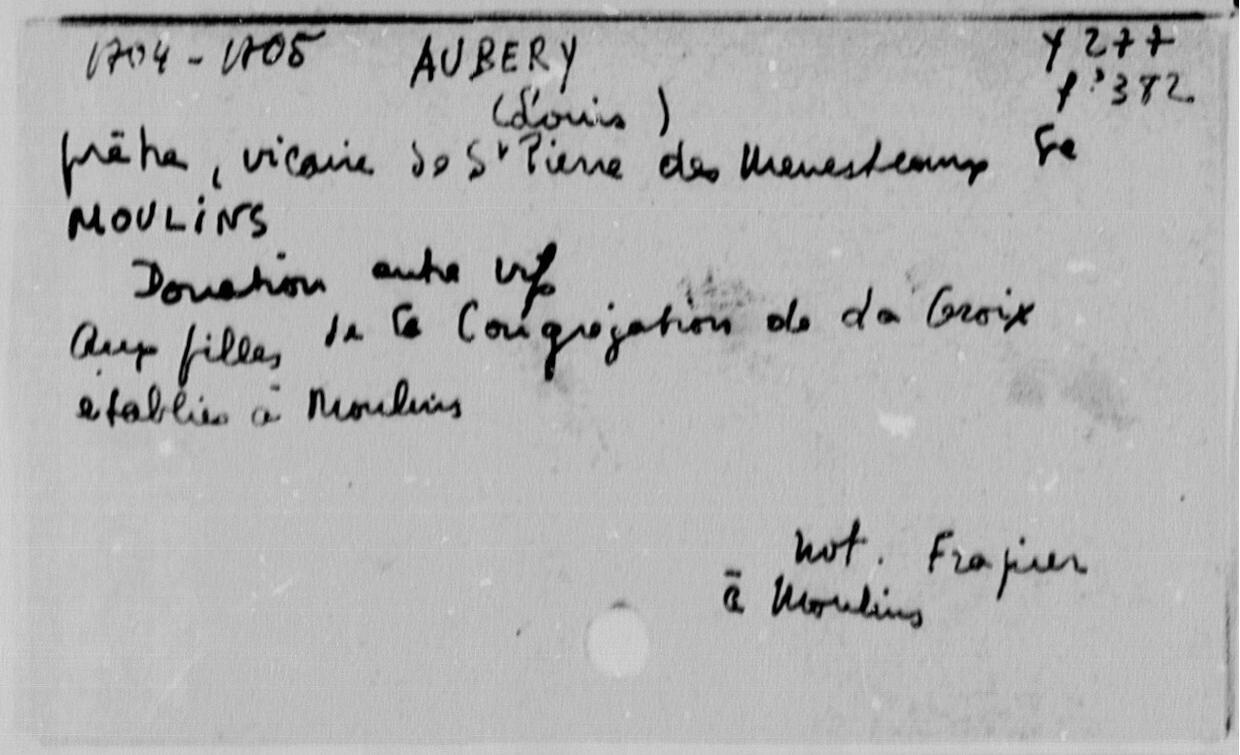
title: AUBERY (Louis)
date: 1704-1705
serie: Y
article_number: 277
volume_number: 382
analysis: Prêtre, vicaire de Saint-Pierre des Menestraux, Moulins. Donation entre vif aux filles de la Congrégation de La Croix établies à Moulins. Frapier, notaire à Moulins.
